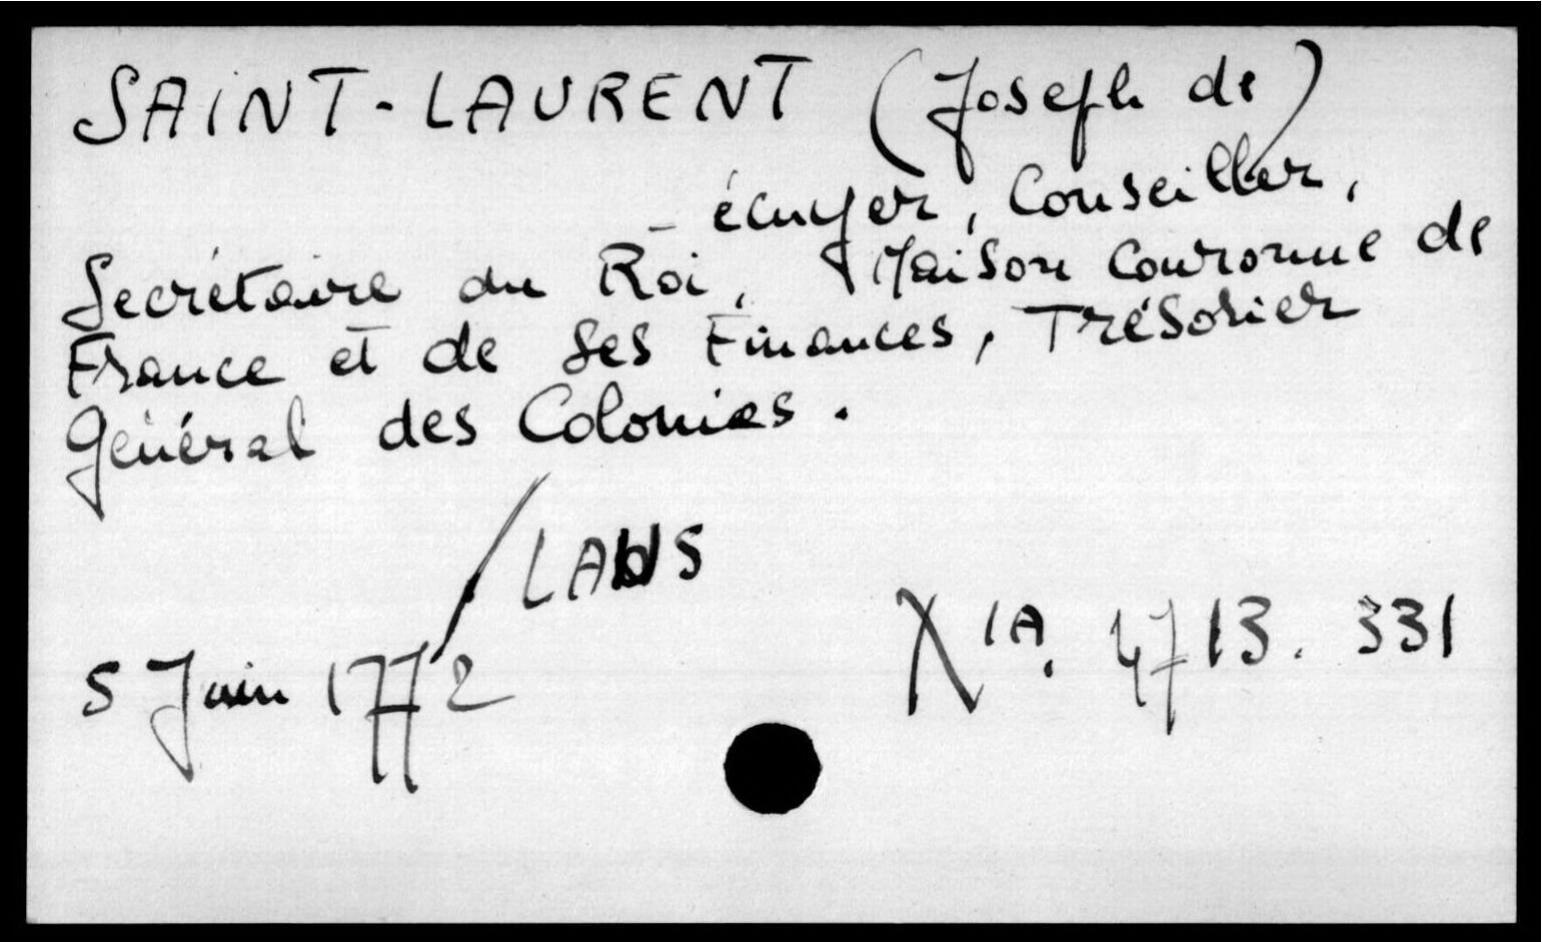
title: SAINT-LAURENT (Joseph de) écuyer, conseiller, secrétaire du Roi, maison couronne de France et de ses Finances, Trésorier général des Colonies.
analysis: Contre LAUS
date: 5 juin 1772
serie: X1A
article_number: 4713
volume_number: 331
